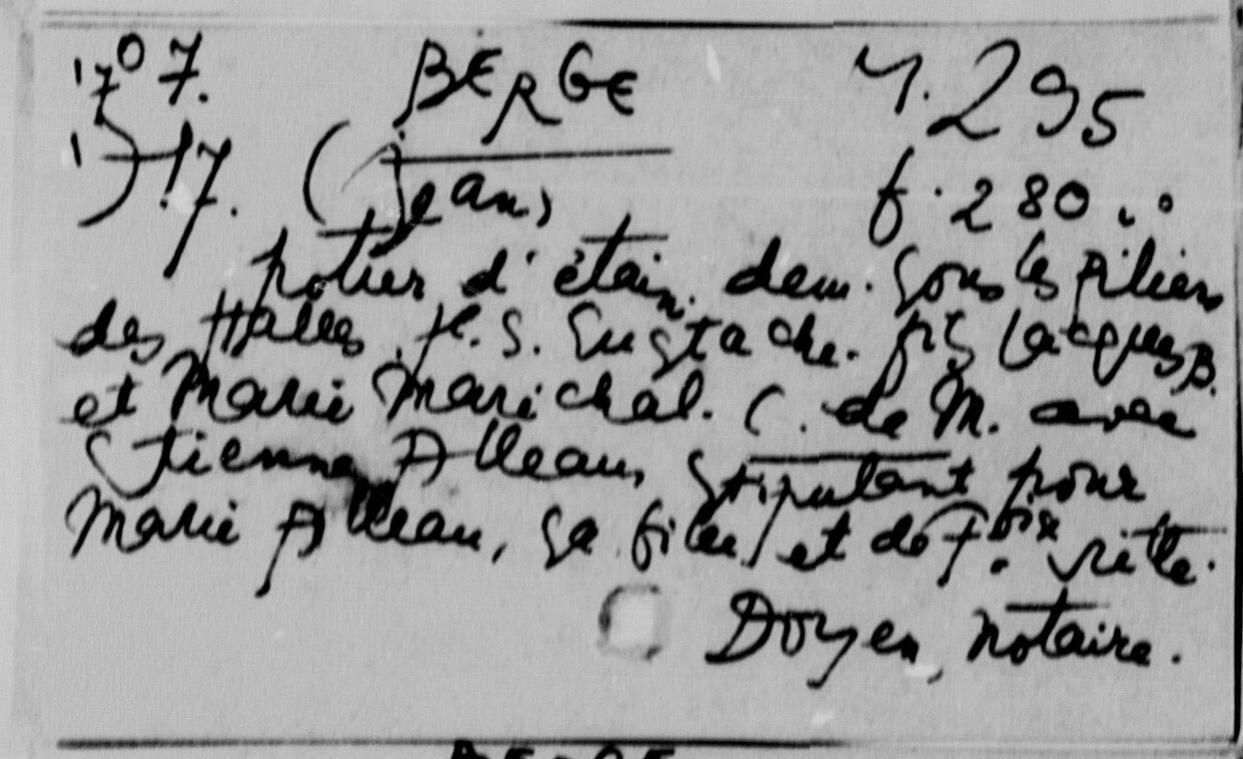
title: BERGE (Jean)
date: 1707-1717
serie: Y
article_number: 295
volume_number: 280v
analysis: Potier d'étain, demeurant sous les piliers des Halles, paroisse Saint-Eustache. Fils Jacques et Marie Maréchal. Contrat de mariage avec Étienne Alleau, stipulant pour Marie Alleau, sa fille et de François Rille. Doyen, notaire.
